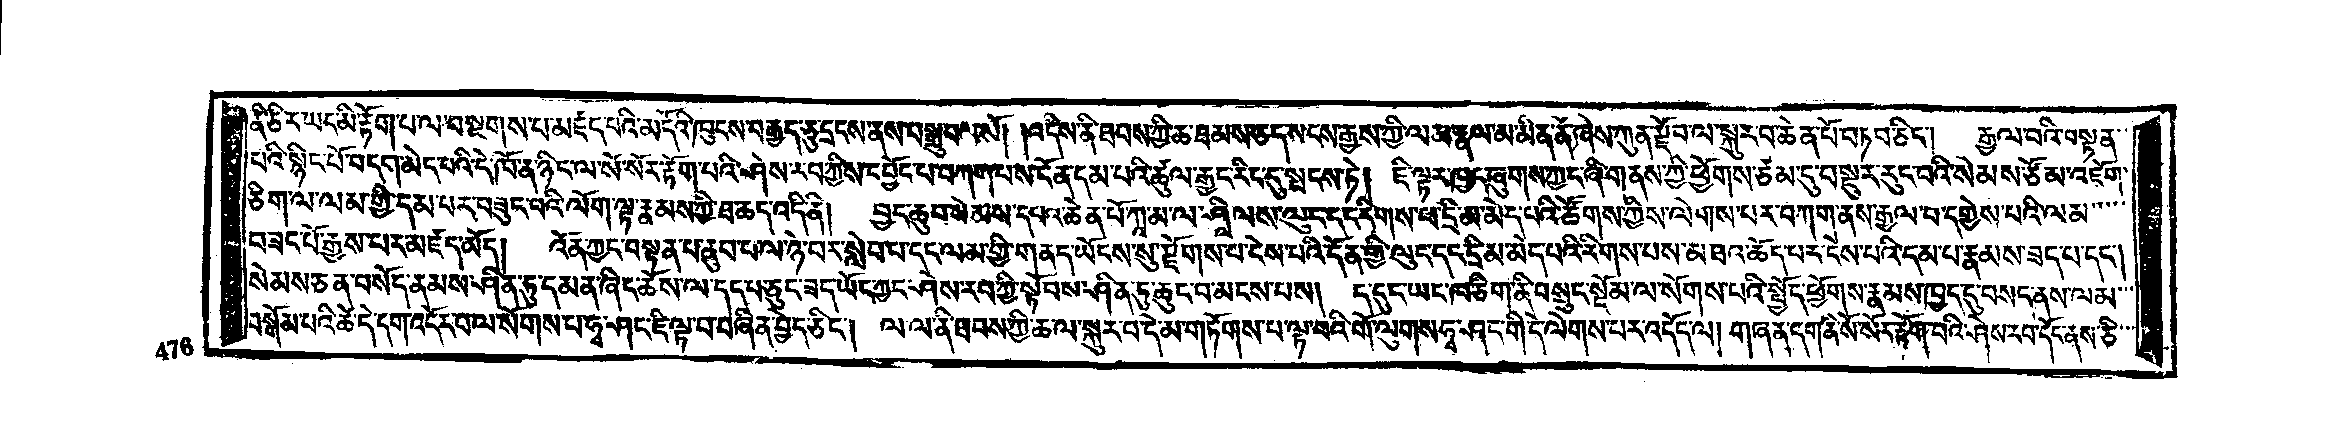ནི་ཅིར་ཡང་མི་རྟོག་པ་ལ་བསྔགས་པ་མཛད་པའི་མདོའི་ཁུངས་བརྒྱད་ཅུ་དྲངས་ནས་བསྒྲུབས་སོ། །འདིས་ནི་ཐབས་ཀྱི་ཆ་ཐམས་ཅད་སངས་རྒྱས་ཀྱི་ལམ་རྣལ་མ་མིན་ནོ་ཞེས་ཀུན་རྫོབ་ལ་སྐུར་པ་ཆེན་པོ་བཏབ་ཅིང་། རྒྱལ་བའི་བསྟན་
པའི་སྙིང་པོ་བདག་མེད་པའི་དེ་ཁོ་ན་ཉིད་ལ་སོ་སོར་རྟོག་པའི་ཤེས་རབ་ཀྱིས་དཔྱོད་པ་བཀག་པས་དོན་དམ་པའི་ཚུལ་རྒྱང་རིང་དུ་སྤངས་ཏེ། ཇི་ལྟར་ཁྱད་ཞུགས་ཀྱང་ཞི་གནས་ཀྱི་ཕྱོགས་ཙམ་དུ་བསྡུར་རུང་བའི་སེམས་ཙོམ་འཇོག་
ཅིག་ལ་ལམ་གྱི་དམ་པར་བཟུང་བའི་ལོག་ལྟ་རྣམས་ཀྱི་ཐ་ཆད་འདི་ནི། བྱང་ཆུབ་སེམས་དཔའ་ཆེན་པོ་ཀཱ་མ་ལ་ཤཱི་ལས་ལུང་དང་རིགས་པ་དྲི་མ་མེད་པའི་ཚོགས་ཀྱིས་ལེགས་པར་བཀག་ནས་རྒྱལ་བ་དགྱེས་པའི་ལམ་
བཟང་པོ་རྒྱས་པར་མཛད་མོད། འོན་ཀྱང་བསྟན་པ་ནུབ་པ་ལ་ཉེ་བར་སླེབ་པ་དང་ལམ་གྱི་གནད་ཡོངས་སུ་རྫོགས་པ་ངེས་པའི་དོན་གྱི་ལུང་དང་དྲི་མ་མེད་པའི་རིགས་པས་མཐའ་ཆོད་པར་ངེས་པའི་དམ་པ་རྣམས་ཟད་པ་དང་།
སེམས་ཅན་བསོད་ནམས་ཤིན་ཏུ་དམན་ཞིང་ཆོས་ལ་དད་པ་ཅུང་ཟད་ཡོད་ཀྱང་ཤེས་རབ་ཀྱི་སྟོབས་ཤིན་ཏུ་ཆུང་བ་མངས་པས། ད་དུང་ཡང་ཁ་ཅིག་ནི་བསྲུང་སྡོམ་ལ་སོགས་པའི་སྤྱོད་ཕྱོགས་རྣམས་ཁྱད་དུ་བསད་ནས་ལམ་
བསྒོམ་པའི་ཚེ་དེ་དག་འདོར་བ་ལ་སོགས་པ་ཧྭ་ཤང་ཇི་ལྟ་བ་བཞིན་བྱེད་ཅིང་། ལ་ལ་ནི་ཐབས་ཀྱི་ཆ་ལ་སྐུར་བ་དེ་མ་གཏོགས་པ་ལྟ་བའི་གོ་ལུགས་ཧྭ་ཤང་གི་དེ་ལེགས་པར་འདོད་ལ། གཞན་དག་ནི་སོ་སོར་རྟོག་པའི་ཤེས་རབ་དོར་ནས་ཅི་